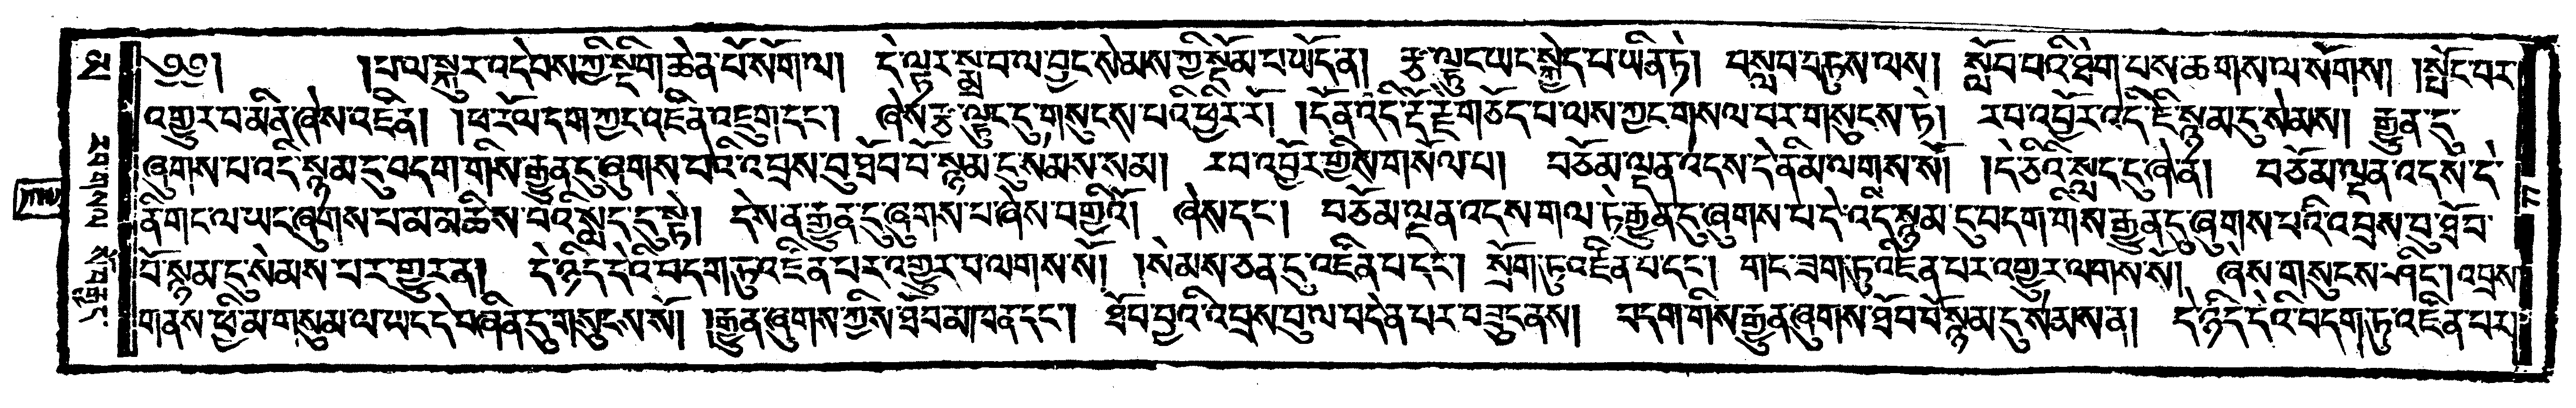༄༅། །པ་ལ་སྐུར་འདེབས་ཀྱི་སྡིག་ཆེན་པོ་སོག་ལ། དེ་ལྟར་སྨྲ་བ་ལ་བྱང་སེམས་ཀྱི་སྡོམ་པ་ཡོད་ན། རྩ་ལྟུང་ཡང་སྐྱེད་པ་ཡིན་ཏེ། བསླབ་བཏུས་ལས། སློབ་པའི་ཐེག་པས་ཆགས་ལ་སོགས། །སྤོང་བར་
འགྱུར་བ་མིན་ཞེས་འཛིན། །ཕ་རོལ་དག་ཀྱང་འཛིན་འཇུག་དང་། ཞེས་རྩ་ལྟུང་དུ་གསུངས་པའི་ཕྱིར་རོ། །དོན་འདི་རྡོ་རྗེ་གཅོད་པ་ལས་ཀྱང་གསལ་བར་གསུངས་ཏེ། རབ་འབྱོར་འདི་ཇི་སྙམ་དུ་སེམས། རྒྱུན་དུ་
ཞུགས་པ་འདི་སྙམ་དུ་བདག་གིས་རྒྱུན་དུ་ཞུགས་པའི་འབྲས་བུ་ཐོབ་བོ་སྙམ་དུ་སེམས་སམ། རབ་འབྱོར་གྱིས་གསོལ་པ། བཅོམ་ལྡན་འདས་དེ་ནི་མ་ལགས་སོ། །དེ་ཅིའི་སླད་དུ་ཞེ་ན། བཅོམ་ལྡན་འདས་དེ་
ནི་གང་ལ་ཡང་ཞུགས་པ་མ་མཆིས་པའི་སླད་དུ་སྟེ། དེས་ན་རྒྱུན་དུ་ཞུགས་པ་ཞེས་བགྱིའོ། ཞེས་དང་། བཅོམ་ལྡན་འདས་གལ་ཏེ་རྒྱུན་དུ་ཞུགས་པ་དེ་འདི་སྙམ་དུ་བདག་གིས་རྒྱུན་དུ་ཞུགས་པའི་འབྲས་བུ་ཐོབ་
བོ་སྙམ་དུ་སེམས་པར་གྱུར་ན། དེ་ཉིད་དེའི་བདག་ཏུ་འཛིན་པར་འགྱུར་བ་ལགས་སོ། །སེམས་ཅན་དུ་འཛིན་པ་དང་། སྲོག་ཏུ་འཛིན་པ་དང་། གང་ཟག་ཏུ་འཛིན་པར་འགྱུར་ལགས་སོ། །ཞེས་གསུངས་ཤིང་། འབྲས་
གནས་ཕྱི་མ་གསུམ་ལ་ཡང་དེ་བཞིན་དུ་གསུངས་སོ། །རྒྱུན་ཞུགས་ཀྱི་ས་ཐོབ་མཁན་དང་། ཐོབ་བྱའི་འབྲས་བུ་ལ་བདེན་པར་བཟུང་ནས། བདག་གིས་རྒྱུན་ཞུགས་ཐོབ་བོ་སྙམ་དུ་སེམས་ན། དེ་ཉིད་དེའི་བདག་ཏུ་འཛིན་པར་